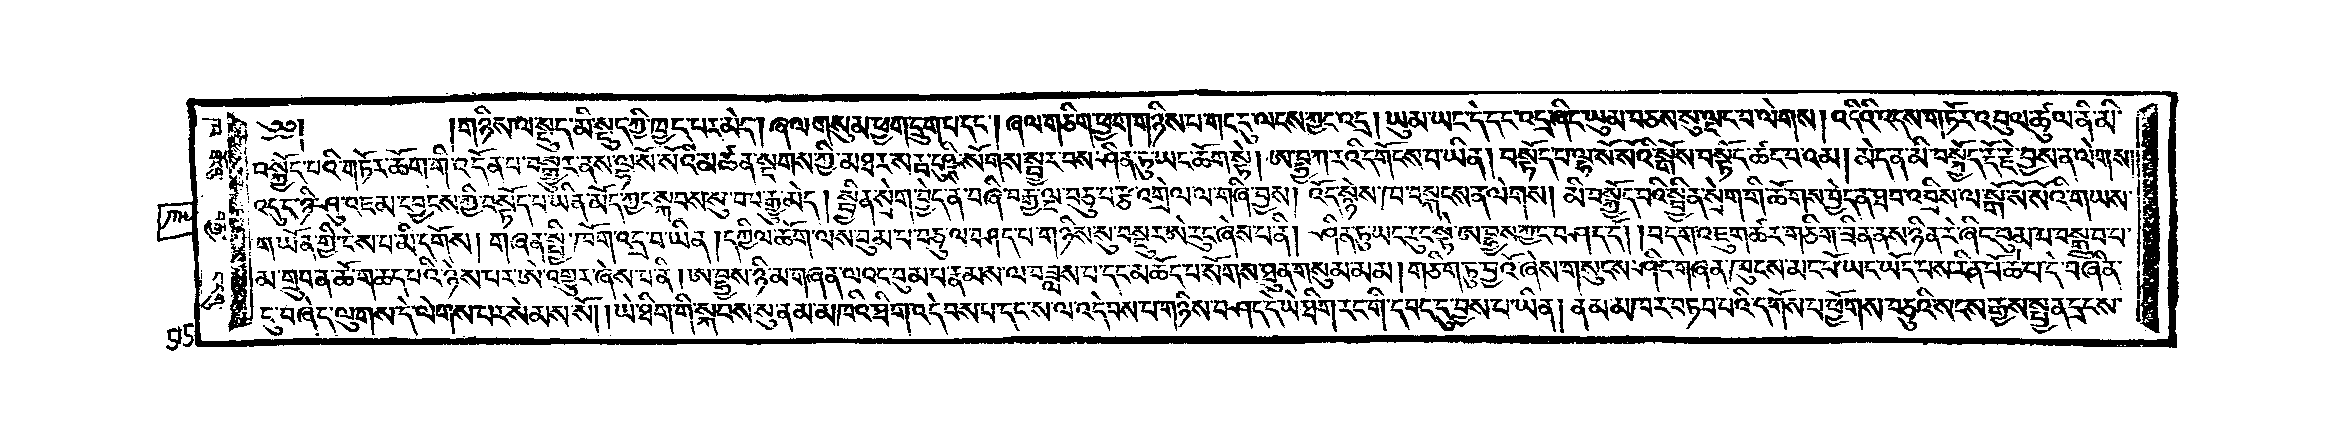༄༅། །གཉིས་ལ་སྡུད་མི་སྡུད་ཀྱི་ཁྱད་པར་མེད། ཞལ་གསུམ་ཕྱག་དྲུག་པ་དང་། ཞལ་གཅིག་ཕྱག་གཉིས་པ་གང་དུ་ལངས་ཀྱང་འདྲ། ཡུམ་ཡང་དེ་དང་འདྲ་ཞིང་ཡུམ་བཅས་སུ་ལྡང་བ་ལེགས། འདིའི་འདས་གཏོར་འབུལ་ཚུལ་ནི་མི་
བསྐྱོད་པའི་གཏོར་ཆོག་གི་འདོན་པ་བསྒྱུར་ནས་ལྷ་སོ་སོའི་མཚན་སྔགས་ཀྱི་མཐར་སརྦ་དུཥྚི་སོགས་སྦྱར་བས་ཤིན་ཏུ་ཡང་ཆོག་སྟེ། ཨ་བྷྱ་ཀ་རའི་དགོངས་པ་ཡིན། བསྟོད་པ་ལྷ་སོ་སོའི་སྒོས་བསྟོད་ཚང་བ་འམ། མེད་ན་མི་བསྐྱོད་རྡོ་རྗེ་བྱས་ན་ལེགས།
འདུད་ཉི་ཤུ་འཇམ་དབྱངས་ཀྱི་བསྟོད་པ་ཡིན་མོད་ཀྱང་སྐབས་སུ་པ་བརྒྱུ་མེད། སྦྱིན་སྲེག་བྱེད་ན་བཞི་བརྒྱ་ལྔ་བཅུ་པ་རྩ་འགྲེལ་ལ་གཞི་བྱས། འོད་སྙེས་ཁ་བསྐངས་ན་ལེགས། མི་བསྐྱོད་པའི་སྦྱིན་སྲེག་གི་ཆོགས་བྱེད་ན་ཐབ་འབྲིས་ལ་སྒོ་སོ་སོའི་གཡས་
གཡོན་གྱི་ངེས་པ་མི་དགོས། གཞན་སྤྱི་ཁོག་འདྲ་བ་ཡིན། དཀྱིལ་ཆོག་ལས་བུམ་པ་བཅུ་ལ་བཤད་པ་གཉིས་སུ་བསྡུར་ཨེ་རུང་ཞེས་པ་ནི། ཤིན་ཏུ་ཡང་རུང་སྟེ་ཨ་བྷྱས་ཀྱང་བཤད་དོ། །བདག་འཇུག་ཚར་གཅིག་ཟིན་ནས་ཉིན་རེ་ཞིང་བུམ་པ་བསྒྲུབ་པ་
མ་གྲུབ་ན་ཆོ་ག་ཆད་པའི་ཉེས་པར་ཨེ་འགྱུར་ཞེས་པ་ནི། ཨ་བྷྱས་ཉི་མ་གཞན་ལའང་བུམ་པ་རྣམས་ལ་བཟླས་པ་དང་མཆོད་པ་སོགས་ཐུན་གསུམ་མམ། གཅིག་ཏུ་བྱའོ་ཞེས་གསུངས་ཤིང་གཞན་ཁུངས་མང་པོ་ཡང་ཡོད་པས་རིན་པོ་ཆེ་པ་དེ་བཞིན་
དུ་བཞད་ལུགས་དེ་ལེགས་པར་སེམས་སོ། །ཡེ་ཐིག་གི་སྐབས་སུ་ནམ་མཁའི་ཐིག་འདེབས་པ་དང་ས་ལ་འདེབས་པ་གཉིས་བཤད་དེ་ཡི་ཐིག་རང་གི་དབང་དུ་བྱས་པ་ཡིན། ནམ་མཁར་བཏབ་པའི་དགོས་པ་ཕྱོགས་བཅུའི་སངས་རྒྱས་སྤྱན་དྲངས་